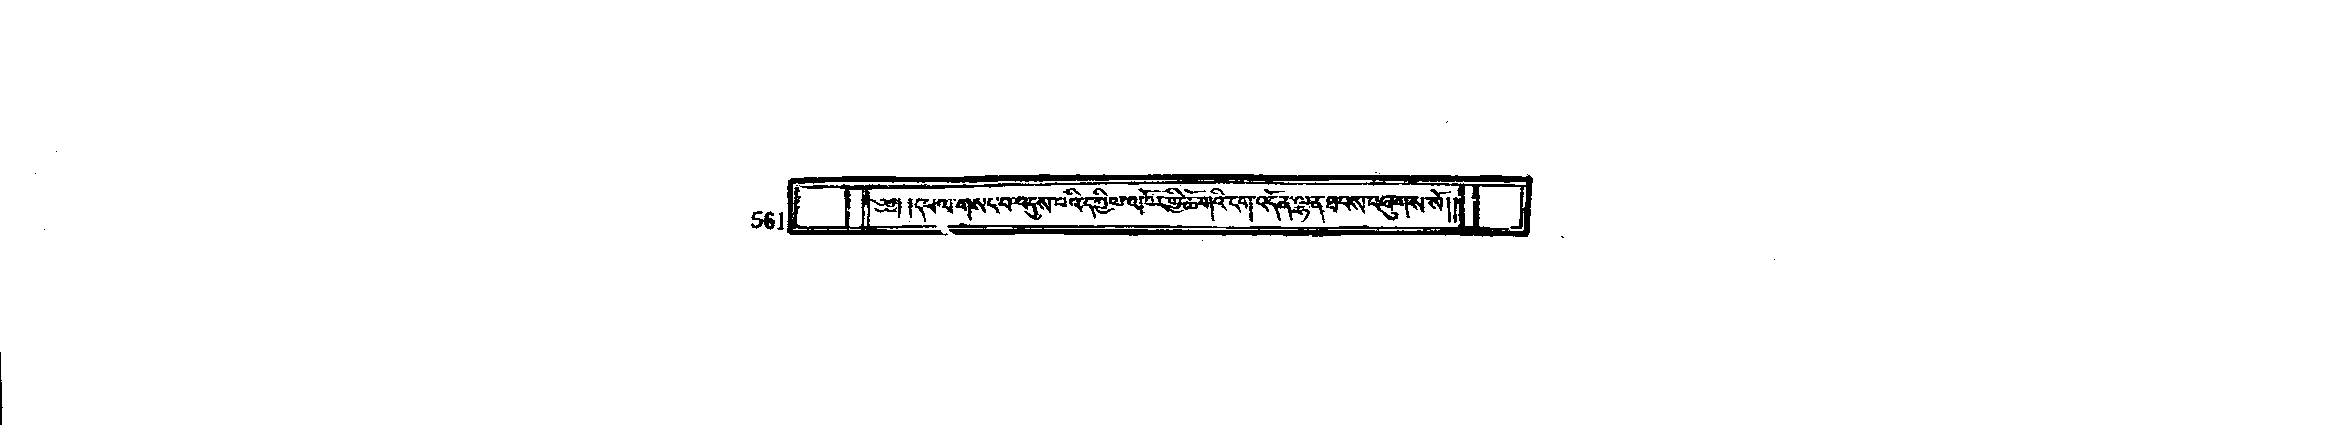༄༅། །དཔལ་གསང་བ་འདུས་པའི་དཀྱིལ་འཁོར་གྱི་ཆོ་གའི་ངག་འདོན་ལྷན་ཐབས་བཞུགས་སོ།།